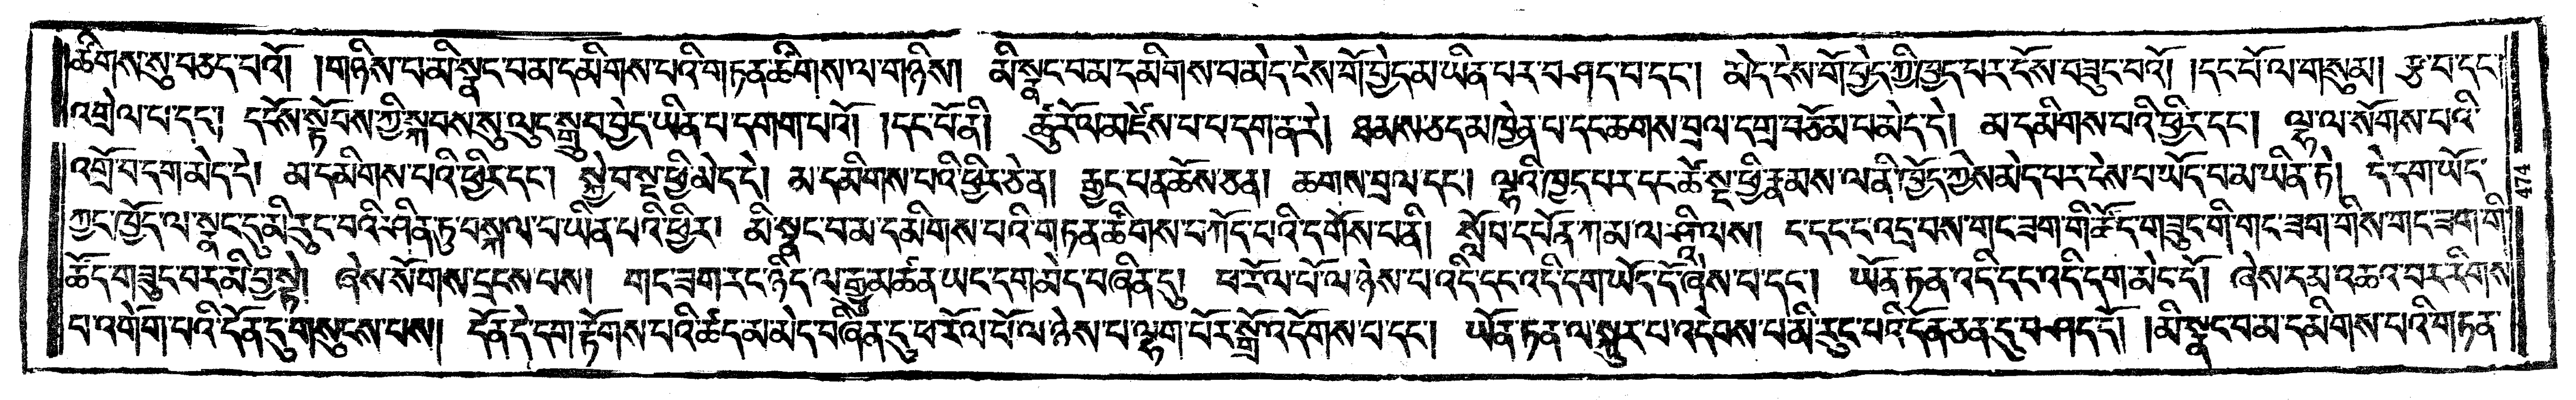ཚིགས་སུ་བཅད་པའོ། །གཉིས་པ་མི་སྣང་བ་མ་དམིགས་པའི་གཏན་ཚིགས་ལ་གཉིས། མི་སྣང་བ་མ་དམིགས་པ་མེད་ངེས་གོ་བྱེད་མ་ཡིན་པར་བཤད་པ་དང་། མེད་ངེས་གོ་བྱེད་ཀྱི་ཁྱད་པར་ངོས་བཟུང་བའོ། །དང་པོ་ལ་གསུམ། རྩ་བ་དང་།
འགྲེལ་པ་དང་། དངོས་སྟོབས་ཀྱི་སྐབས་སུ་ལུང་སྒྲུབ་བྱེད་ཡིན་པ་དགག་པའོ། །དང་པོ་ནི། ཚུ་རོལ་མཛེས་པ་བ་དག་ན་རེ། ཐམས་ཅད་མཁྱེན་པ་དང་ཆགས་བྲལ་དགྲ་བཅོམ་པ་མེད་དེ། མ་དམིགས་པའི་ཕྱིར་དང་། ལྷ་ལ་སོགས་པའི་
འགྲོ་བ་དག་མེད་དེ། མ་དམིགས་པའི་ཕྱིར་དང་། སྐྱེ་བ་སྔ་ཕྱི་མེད་དེ། མ་དམིགས་པའི་ཕྱིར་ཅེ་ན། རྒྱང་པན་ཆོས་ཅན། ཆགས་བྲལ་དང་། ལྷའི་ཁྱད་པར་དང་ཚེ་སྔ་ཕྱི་རྣམས་ལ་ནི་ཁྱོད་ཀྱིས་མེད་པར་ངེས་པ་ཡོད་པ་མ་ཡིན་ཏེ། དེ་དག་ཡོད་
ཀྱང་ཁྱོད་ལ་སྣང་དུ་མི་རུང་བའི་ཤིན་ཏུ་བསྐལ་པ་ཡིན་པའི་ཕྱིར། མི་སྣང་བ་མ་དམིགས་པའི་གཏན་ཚིགས་བཀོད་པའི་དགོས་པ་ནི། སློབ་དཔོན་ཀ་མ་ལ་ཤཱི་ལས། ང་དང་ང་འདྲ་བས་གང་ཟག་གི་ཚོད་གཟུང་གི་གང་ཟག་གིས་གང་ཟག་གི་
ཚོད་གཟུང་བར་མི་བྱ་སྟེ། ཞེས་སོགས་དྲངས་པས། གང་ཟག་རང་ཉིད་ལ་རྒྱུ་མཚན་ཡང་དག་མེད་བཞིན་དུ། ཕ་རོལ་པོ་ལ་ཉེས་པ་འདི་དང་འདི་དག་ཡོད་དོ་ཞེས་པ་དང་། ཡོན་ཏན་འདི་དང་འདི་དག་མེད་དོ། ཞེས་དམ་འཆའ་བར་རིགས་
པ་འགོག་པའི་དོན་དུ་གསུངས་པས། དོན་དེ་དག་རྟོགས་པའི་ཚད་མ་མེད་བཞིན་དུ་ཕ་རོལ་པོ་ལ་ཉེས་པ་ལྷག་པོར་སྒྲོ་འདོགས་པ་དང་། ཡོན་ཏན་ལ་སྐུར་པ་འདེབས་པ་མི་རུང་བའི་དོན་ཅན་དུ་བཤད་དོ། །མི་སྣང་བ་མ་དམིགས་པའི་གཏན་